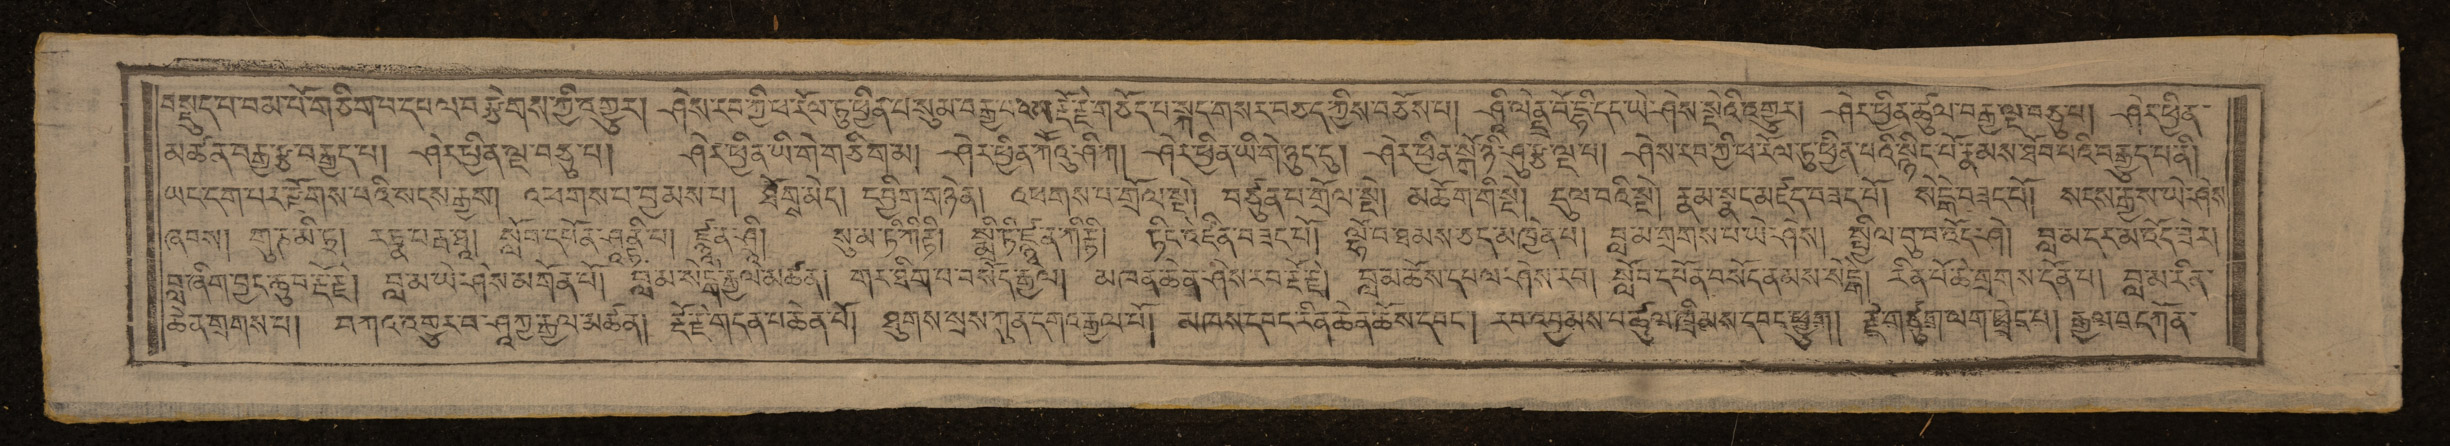བསྡུད་པ་བམ་པོ་གཅིག་པ་དཔལ་བརྩེགས་ཀྱི་འགྱུར། ཤེས་རབ་ཀྱི་ཕ་རོལ་ཏུ་ཕྱིན་པ་སུམ་བརྒྱ་པའམ་རྡོ་རྗེ་གཅོད་པ་སྐད་གསར་བཅད་ཀྱིས་བཅོས་པ། ཤཱི་ལེནྡྲ་བོ་དྷི་དང་ཡེ་ཤེས་སྡེའི་འགྱུར། ཤེར་ཕྱིན་ཚུལ་བརྒྱ་ལྡ་བཅུ་པ། ཤེར་ཕྱིན་
མཚན་བརྒྱ་རྩ་བརྒྱད་པ། ཤེར་ཕྱིན་ལྔ་བཅུ་པ། ཤེར་ཕྱིན་ཡི་གེ་གཅིག་མ། ཤེར་ཕྱིན་ཀཽའུ་ཤི་ཀ། ཤེར་ཕྱིན་ཡི་གེ་ཉུང་དུ། ཤེར་ཕྱིན་སྒོ་ཉི་ཤུ་རྩ་ལྔ་པ། ཤེས་རབ་ཀྱི་ཕ་རོལ་ཏུ་ཕྱིན་པའི་སྙིང་པོ་རྣམས་ཐོབ་པའི་བརྒྱུད་པ་ནི།
ཡང་དག་པར་རྫོགས་པའི་སངས་རྒྱས། འཕགས་པ་བྱམས་པ། ཐོགས་མེད། དབྱིག་གཉེན། འཕགས་པ་གྲོལ་སྔེ། བཙུན་པ་གྲོལ་སྡེ། མཆོག་གི་སྔེ། དུལ་བའི་སྔེ། རྣམ་སྣང་མཛད་བཟང་པོ། སེངྒེ་བཟང་པོ། སངས་རྒྱས་ཡེ་ཤེས་
ཞབས། གུ་ཎ་མི་ཏྲ། རཏྣ་པརྦ་ཐཱ། སློབ་དཔོན་ཤཱནྟི་པ། ཛྙཱ་ན་ཤྲཱི། སུ་མ་ཏི་ཀི་རྟི། སྨྲི་ཏི་ཛྙཱ་ན་ཀི་རྟི། ཏིང་འཛིན་བཟང་པོ། ལྷོ་བ་ཐམས་ཅད་མཁྱེན་པ། བླ་མ་གྲགས་པ་ཡེ་ཤེས། སྤྱིལ་བུ་བ་འདོ་ཤེ། བླ་མ་དར་མ་འོད་ཟེར།
བླ་ཞིག་བྱང་ཆུབ་རྡོ་རྗེ། བླ་མ་ཡེ་ཤེས་མགོན་པོ། བླ་མ་སེངྒེ་རྒྱལ་མཚན། གར་ཐིག་པ་བསོད་རྒྱལ། མཁན་ཆེན་ཤེས་རབ་རྡོ་རྗེ། བླ་མ་ཆོས་དཔལ་ཤེས་རབ། སློབ་དཔོན་བསོད་ནམས་སེངྒེ། རིན་པོ་ཆེ་གྲགས་དོན་པ། བླ་མ་རིན་
ཆེན་གྲགས་པ། བཀའ་འགྱུར་བ་ཤཱཀྱ་རྒྱལ་མཚན། རྡོ་རྗེ་གདན་པ་ཆེན་པོ། ཐུགས་སྲས་ཀུན་དགའ་རྒྱལ་པོ། མཁས་དབང་རིན་ཆེན་ཆོས་དབང་། རབ་འབྱམས་པ་ཚུལ་ཁྲིམས་དབང་ཕྱུག། རྗེ་གཙུག་ལག་ཕྲེང་པ། རྒྱལ་བ་དཀོན་